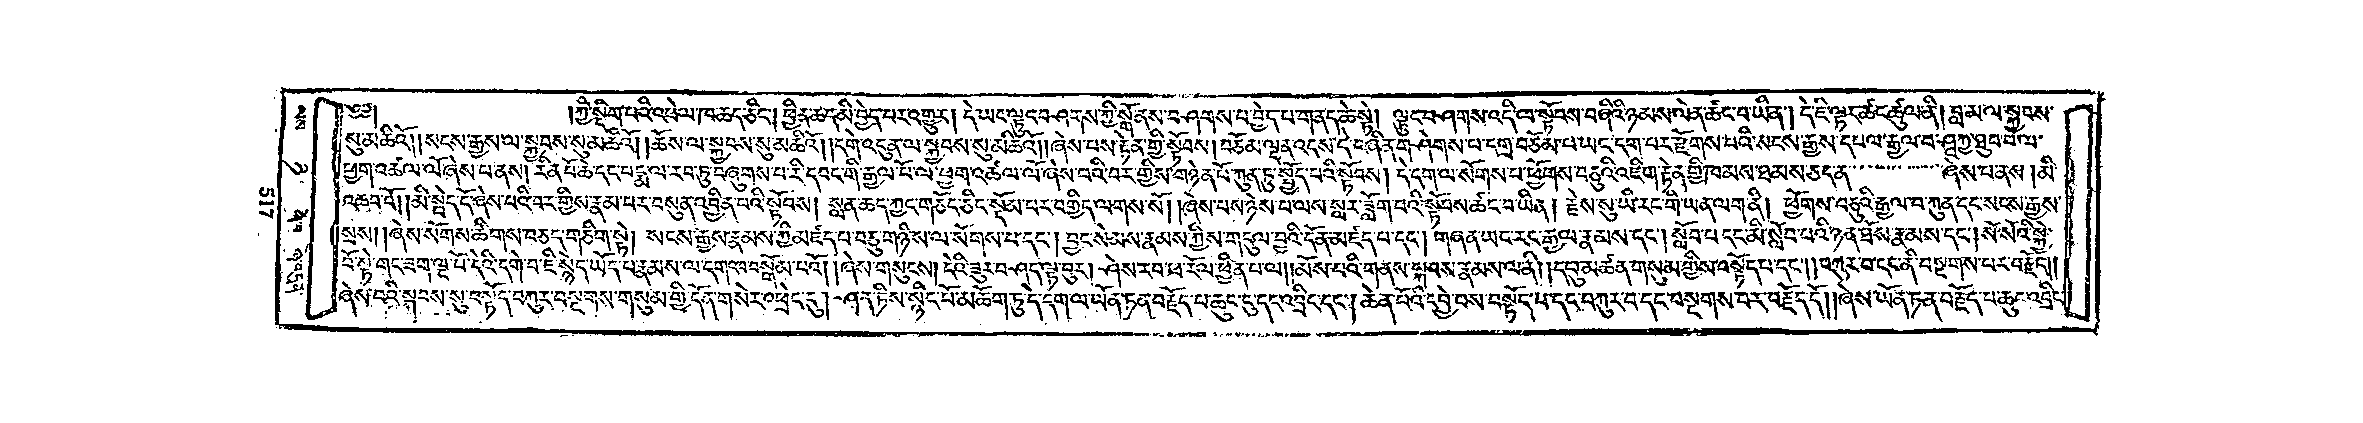༄༅། །ཀྱི་སྡིག་པའི་འཕེལ་ཁ་ཆད་ཅིང་། ཕྱིན་ཆད་མི་བྱེད་པར་འགྱུར། དེ་ཡང་ལྟུང་བཤགས་ཀྱི་སྒོ་ནས་བཤགས་པ་བྱེད་པ་གནད་ཆེ་སྟེ། ལྟུང་བཤགས་འདི་ལ་སྟོབས་བཞིའི་ཉམས་ལེན་ཚང་བ་ཡིན། དེ་ཇི་ལྟར་ཚང་ཚུལ་ནི། བླ་མ་ལ་སྐྱབས་
སུ་མཆིའོ། །སངས་རྒྱས་ལ་སྐྱབས་སུ་མཆིའོ། །ཆོས་ལ་སྐྱབས་སུ་མཆིའོ། །དགེ་འདུན་ལ་སྐྱབས་སུ་མཆིའོ། །ཞེས་པས་རྟེན་གྱི་སྟོབས། བཅོམ་ལྡན་འདས་དེ་བཞིན་གཤེགས་པ་དགྲ་བཅོམ་པ་ཡང་དག་པར་རྫོགས་པའི་སངས་རྒྱས་དཔལ་རྒྱལ་བ་ཤཱཀྱ་ཐུབ་པ་ལ་
ཕྱག་འཚལ་ལོ་ཞེས་པ་ནས། རིན་པོ་ཆེ་དང་པདམ་ལ་རབ་ཏུ་བཞུགས་པ་རི་དབང་གི་རྒྱལ་པོ་ལ་ཕྱག་འཚལ་ལོ་ཞེས་པའི་བར་གྱིས་གཉེན་པོ་ཀུན་ཏུ་སྤྱོད་པའི་སྟོབས། དེ་དག་ལ་སོགས་པ་ཕྱོགས་བཅུའི་འཇིག་རྟེན་གྱི་ཁམས་ཐམས་ཅད་ན་ཞེས་པ་ནས། མི་
འཆབ་བོ། །མི་སྦེད་དོ་ཞེས་པའི་བར་གྱིས་རྣམ་པར་བསུན་འབྱིན་པའི་སྟོབས། སླན་ཆད་ཀྱང་གཅོད་ཅིང་སྡོམ་པར་བགྱིད་ལགས་སོ། །ཞེས་པས་ཉེས་པ་ལས་སླར་ཟློག་པའི་སྟོབས་ཚང་བ་ཡིན། རྗེས་སུ་ཡི་རང་གི་ཡན་ལག་ནི། ཕྱོགས་བཅུའི་རྒྱལ་བ་ཀུན་དང་སངས་རྒྱས་
སྲས། །ཞེས་སོགས་ཚིགས་བཅད་གཅིག་སྟེ། སངས་རྒྱས་རྣམས་ཀྱི་མཛད་པ་བཅུ་གཉིས་ལ་སོགས་པ་དང་། བྱང་སེམས་རྣམས་ཀྱིས་གདུལ་བྱའི་དོན་མཛད་པ་དང་། གཞན་ཡང་རང་རྒྱལ་རྣམས་དང་། སློབ་པ་དང་མི་སློབ་པའི་ཉན་ཐོས་རྣམས་དང་། སོ་སོའི་སྐྱེ་
བོ་སྟེ་གང་ཟག་ལྔ་པོ་དེའི་དགེ་བ་ཇི་སྙེད་ཡོད་པ་རྣམས་ལ་དགའ་བ་བསྒོམ་པའོ། །ཞེས་གསུངས། དེའི་ཟུར་བཤད་ལྟ་བུར། ཤེས་རབ་ཕ་རོལ་ཕྱིན་པ་ལ། །མོས་པའི་གནས་སྐབས་རྣམས་ལ་ནི། །དབུ་མཚན་གསུམ་གྱིས་བསྟོད་པ་དང་། །བཀུར་བ་དང་ནི་བསྔགས་པར་བརྗོད། །
ཞེས་པའི་སྐབས་སུ་བསྟོད་བཀུར་བསྔགས་གསུམ་གྱི་དོན་གསེར་འཕྲེང་དུ། ཤན་ཏིས་སྙིང་པོ་མཆོག་ཏུ་དེ་དག་ལ་ཡོན་ཏན་བརྗོད་པ་ཆུང་ངུ་དང་འབྲིང་དང་། ཆེན་པོའི་དབྱེ་བས་བསྟོད་པ་དང་བཀུར་བ་དང་བསྔགས་པར་བརྗོད་དོ། །ཞེས་ཡོན་ཏན་བརྗོད་པ་ཆུང་འབྲིང་